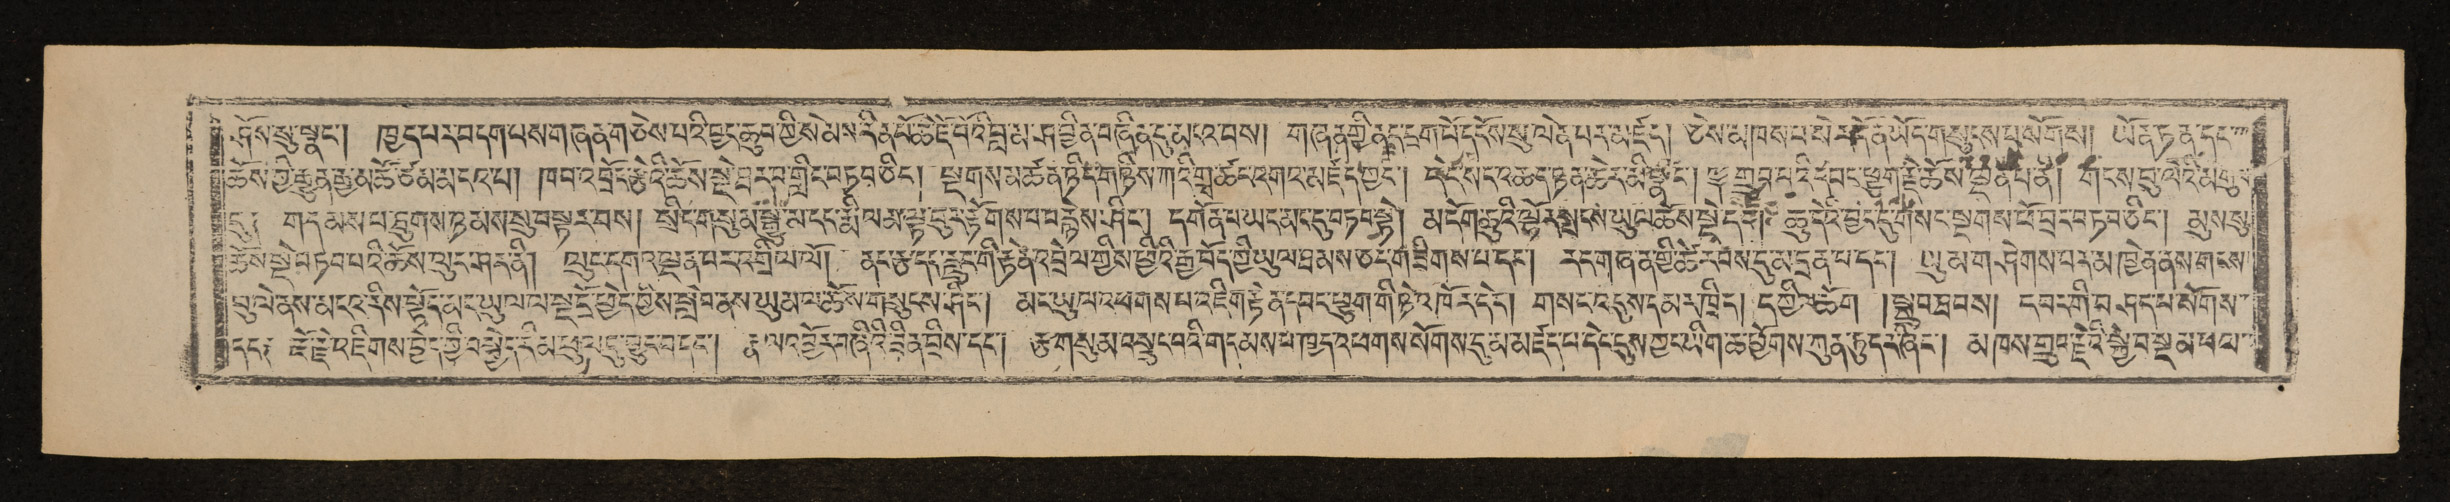ཤོས་སུ་སྣང་། ཁྱད་པར་བདག་པས་གཞན་གཅེས་པའི་བྱང་ཆུབ་ཀྱི་སེམས་རིན་པོ་ཆེ་ཇོ་བོའི་བླ་མ་ཤ་བྱིན་བཞིན་དུ་མངའ་བས། གཞན་གྱི་ནད་དྲག་པོ་དངོས་སུ་ལེན་པར་མཛད། ཅེས་མཁས་པ་སེར་དོན་ཡོད་གསུངས་པ་སོགས། ཡོན་ཏན་དང་
ཆོས་ཀྱི་རྒྱུན་རྒྱ་མཚོ་ཙམ་མངའ་བ། ཁབ་འབྲོང་རྩེའི་ཆོས་སྡེ་ཐར་པ་གླིང་བཏབ་ཅིང་། སྔགས་མཚན་ཉིད་གཉིས་ཀའི་གྲྭ་ཚང་འགའ་མཛད་ཀྱང་། དེང་སང་འཆད་ཉན་ཆེར་མི་སྣང་། ༈ གྲུབ་པའི་དབང་ཕྱུག་རྡོ་ཆོས་ལྡན་པ་ནི། གངས་བུ་ལེའི་མགུན་
དུ༑ གདམས་པ་ཐུགས་ཉམས་སུ་བསྟར་བས། སྲིད་གསུམ་སྒྱུ་མ་དང་རྨི་ལམ་ལྟ་བུར་རྟོགས་པ་བརྙེས་ཤིང་། དགོན་པ་ཡང་མང་དུ་བཏབ་སྟེ། མདོག་ཆུའི་ལྷོར་སྤངས་ཡུལ་ཆོས་སྡེ་དང་། ཆུ་དེའི་བྱང་དུ་གསང་སྔགས་ཕོ་བྲང་བཏབ་ཅིང་། མུས་སུ་
ཆོས་སྡེ་བཏབ་པའི་ཆོས་ལུང་ཤར་ནི། ལུང་དགའ་ལྡན་པར་འགྲིལ་ལོ། །ནང་རྩ་དང་རླུང་གི་རྟེན་འབྲེལ་གྱིས་ཕྱིའི་རྒྱ་བོད་ཀྱི་ཡུལ་ཐམས་ཅད་གཟིགས་པ་དང་། རང་གཞན་གྱི་ཚེ་རབས་དུ་མ་དྲན་པ་དང་། ཡུམ་གཤེགས་པར་མཁྱེན་ནས་གངས་
བུ་ལེ་ནས་མངའ་རིས་སྟོད་མང་ཡུལ་ལ་སྔ་དྲོ་ཕྱེད་ཀྱིས་སླེབ་ནས་ཡུམ་ལ་ཆོས་གསུངས་ཤིང་། མང་ཡུལ་འཕགས་པ་འཇིག་རྟེན་དབང་ཕྱུག་གི་ཉེ་འཁོར་དེར། གསང་འདུས་དམར་ཁྲིད། དཀྱིལ་ཆོག །སྒྲུབ་ཐབས། དབང་གི་བཤད་པ་སོགས་
དང༑ རྡོ་རྗེ་འཇིགས་བྱེད་ཀྱི་བསྐྱེད་རིམ་ཕུལ་དུ་བྱུང་བ་དང་། རྣལ་འབྱོར་བཞིའི་ཟིན་བྲིས་དང་། རྩ་གསུམ་བསྲུང་བའི་གདམས་པ་ཁྱད་འཕགས་སོགས་དུ་མ་མཛད་པ་དེང་དུས་ཀྱང་ཡིག་ཆ་ཕྱགས་ཀུན་ཏུ་དར་ཞིང་། མཁས་གྲུབ་རྗེའི་སྐྱེ་བ་སྔ་མ་ཕལ་